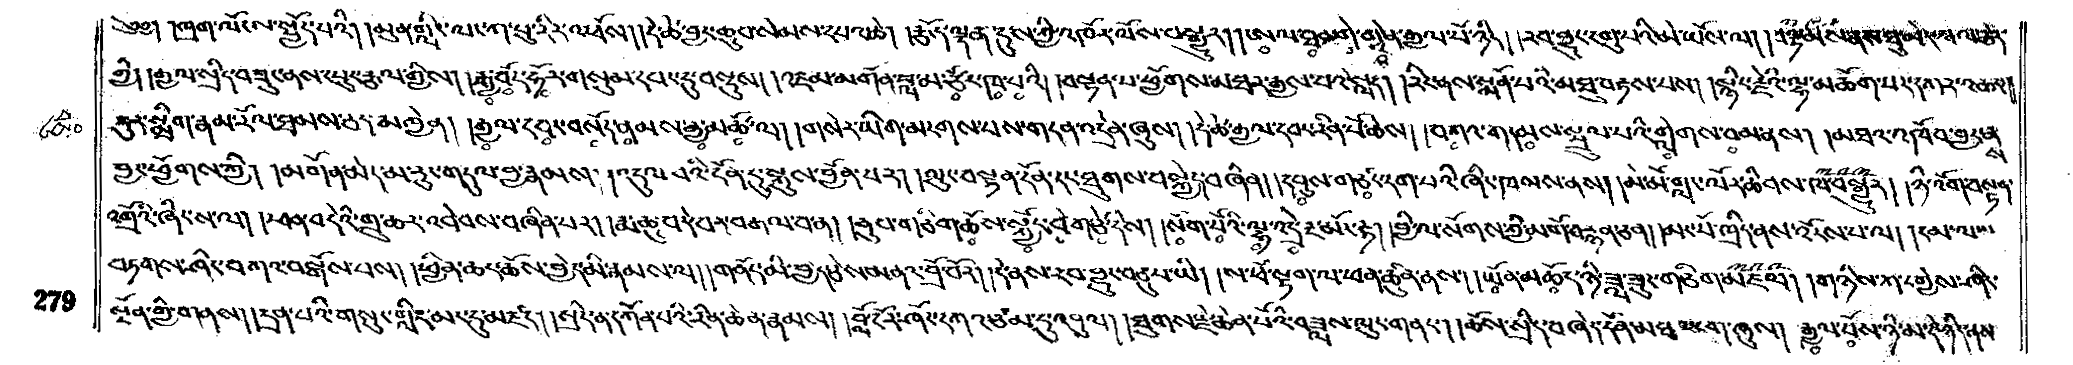༄༅། །ཁྲག་ལོངས་སྤྱོད་པའི། །མུན་གླིང་ལང་ཀ་པུ་རིར་འཕོས། །དེ་ཚེ་བྱང་ཆུབ་སེམས་དཔའ་ཆེ། །རྩོད་ལྡན་དུས་ཀྱི་འཁོར་ལོས་བསྒྱུར། །ཨལ་ཐམ་གེ?་གEན་རྒྱལ་པོ་ཉིད། །རབ་བྱུང་དགུ་པའི་མེ་ཡོས་ལ། །བལྟམས་ནས་ཐུ་མེད་ཕལ་ཚེས?
གྱི། །རྒྱལ་སྲིད་བཟུང་ནས་དཔུང་རྩལ་གྱིས། །རྒྱ་བོད་ཧོར་གསུམ་དབང་དུ་བསྡུས། །འཇམ་མགོན་བླ་མ་ཙོང་ཁ་པའི། །བསྟན་པ་ཕྱོགས་མཐར་རྒྱས་པའི་སླད། །རིང་ནས་སྨོན་པའི་མཐུ་བརྟས་པས། །སྙིང་རྗེའི་ལྷ་མཆོག་པར་དཀར་འཆང་
དུར་སྨྲིག་རྣམ་རོལ་ཐམས་ཅད་མཁྱེན། །རྒྱལ་དབང་བསོད་ནམས་རྒྱ་མཚོ་ལ། །གསེར་ཡིག་མངགས་པས་གདན་འདྲེན་ཞུས། །དེ་ཚེ་རྒྱལ་དབང་རིན་པོ་ཆེས། །བཀའ་གདམས་སྤྲུལ་པའི་གླེགས་བམ་ནས། །མཐའ་འཁོབ་བྱང་ནས?
བྱང་ཕྱོགས་ཀྱི། །མགོན་མེད་མ་རུང་གདུལ་བྱ་རྣམས། །འདུལ་བའི་དོན་དུ་སྐུས་བྱོན་པར། །ལུང་བསྟན་དོན་དང་ཐུགས་བསྐྱེད་བཞིན། །དབུས་གཙང་དག་པའི་ཞིང་ཁམས་ནས། །མེ་མོ་གླང་ལོར་ཆིབས་ཁ་བསྒྱུར། །ཉི་འོག་བསྟན?
འགྲོའི་ཞིང་ས་ལ། །ཕན་བདེའི་གྲུ་ཆར་འབེབས་བཞིན་པར། །རྨ་ཆུ་བདེ་བར་བརྒལ་བ་ན། །ནུབ་གཅིག་ཆོས་སྐྱོང་བེག་ཙེ་དེས། །སོག་པོའི་ལྷ་འདྲེ་རྔ་མོང་རྟ། །བྱི་ལ་སོགས་ཀྱི་མགོ་བརྙན་ཅན། །མང་པོ་ཁྲིད་ནས་འོངས་པ་ལ། །དམ་ལས་
བཏགས་ཤིང་བཀའ་བསྒོས་པས། །ཕྱིན་ཆད་ཆོས་བྱེད་མི་རྣམས་ལ། །གནོད་མི་བྱེད་ཅེས་མནའ་བྲོ་བོར། །དེ་ནས་རབ་བྱུང་བཅུ་པ་ཡི། །ས་ཕོ་སྟག་ལ་ཕན་ཚུན་ནས། །ཡོན་མཆོད་ཉི་ཟླ་ཟུང་གཅིག་མཇལ། །གཉིས་ཀ་དགྱེས་ཤིང་
སྔོན་གྱི་གནས། །དྲན་པའི་གསུང་གླིང་མང་དུ་མཛད། །སྲིད་ན་དཀོན་པའི་རིན་ཆེན་རྣམས། །བློ་ངོར་ཤོང་དཀའ་ཙམ་དུ་འབུལ། །ཐུགས་རྗེ་ཆེན་པོའི་བཟླས་ལུང་གནང་། །ཆོས་སྲིད་བཞེད་དོན་མཐའ་ངག་ཞུས། །རྒྱལ་པོས་ཉི་མ་དེ་ཉིད་ནས་